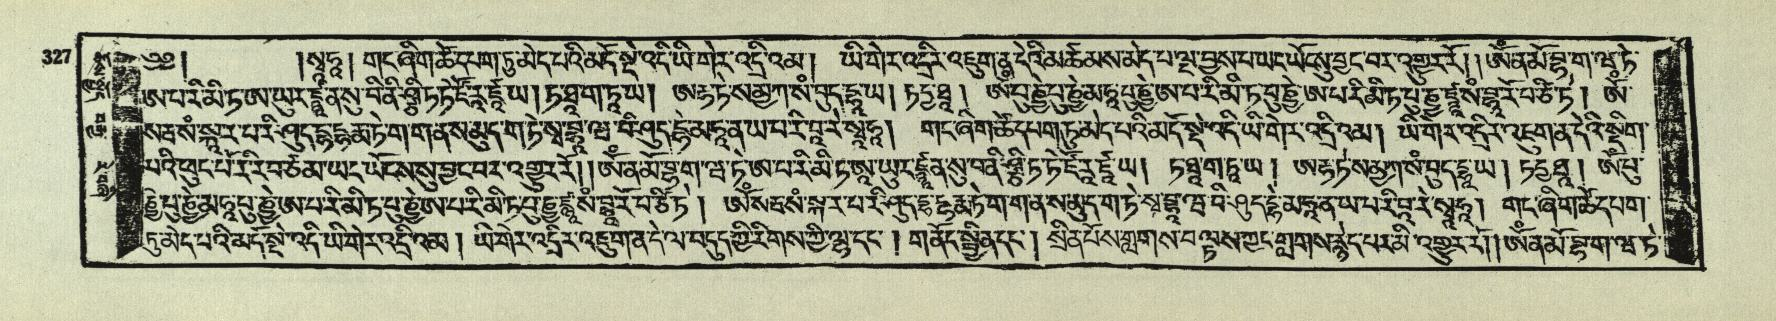༄༅། །སྭཱ་ཧཱ། གང་ཞིག་ཚེ་དཔག་ཏུ་མེད་པའི་མདོ་སྡེ་འདི་ཡི་གེར་འདྲི་འམ། ཡེ་གེར་འདྲིར་འཇུག་ན་དེའི་མཚམས་མེད་པ་ལྔ་བྱས་པ་ཡང་ཡོངྶུ་བྱང་བར་འགྱུར་རོ། །ཨོཾ་ན་མོ་བྷ་ག་ཝ་ཏེ་
ཨ་པ་རི་མི་ཏ་ཨ་ཡུར་ཛྙཱ་ན་སུ་བི་ནི་ཤྩི་ཏ་ཏེ་ཛོ་རཱ་ཛཱ་ཡ། ཏ་ཐཱ་ག་ཏཱ་ཡ། ཨརྷ་ཏེ་སམྱཀ་སཾ་བུད་དྷཱ་ཡ། ཏདྱ་ཐཱ། ཨོཾ་པུ་ཎྱེ་པུ་ཎྱེ་མཧཱ་པུ་ཎྱེ་ཨ་པ་རི་མི་ཏ་པུ་ཎྱེ་ཨ་པ་རི་མི་ཏ་པུ་ཎྱ་ཛྙཱ་སཾ་བྷཱ་རོ་པ་ཙི་ཏེ། ཨོཾ་
སརྦ་སཾ་སྐཱ་ར་པ་རི་ཤུད་དྷ་དྷརྨ་ཏེ་ག་ག་ན་ས་མུད་ག་ཏེ་སྭ་བྷཱ་ཝ་བི་ཤུད་དྷེ་མཧཱ་ན་ཡ་པ་རི་བཱ་རེ་སྭཱ་ཧཱ། གང་ཞིག་ཚེ་དཔག་ཏུ་མེད་པའི་མདོ་སྡེ་འདི་ཡི་གེར་འདྲི་འམ། ཡི་གེར་འདྲིར་འཇུག་ན་དེའི་སྡིག་
པའི་ཕུང་པོ་རི་རབ་ཙམ་ཡང་ཡོངས་སུ་བྱང་བར་འགྱུར་རོ། །ཨོམ་ན་མོ་བྷ་ག་ཝ་ཏེ་ཨ་པ་རི་མི་ཏ་ཨཱ་ཡུར་ཛྙཱ་ན་སུ་བ་ནི་ཤྩི་ཏ་ཏེ་ཛོ་རཱ་ཛཱ་ཡ། ཏ་ཐཱ་ག་ཏཱ་ཡ། ཨརྷ་ཏེ་སམྱཀ་སཾ་བུད་དྷཱ་ཡ། ཏདྱ་ཐཱ། ཨོཾ་པུ་
ཎྱེ་པུ་ཎྱེ་མཧཱ་པུ་ཎྱེ་ཨ་པ་རི་མི་ཏ་པུ་ཎྱེ་ཨ་པ་རི་མི་ཏ་པུ་ཎྱ་ཛྙཱ་སཾ་བྷཱ་རོ་པ་ཙི་ཏེ། ཨོཾ་སརྦ་སཾ་སྐཱ་ར་པ་རི་ཤུད་དྷ་དྷརྨ་ཏེ་ག་ག་ན་ས་མུད་ག་ཏེ་སྭ་བྷཱ་ཝ་བི་ཤུད་དྷེ་མཧཱ་ན་ཡ་པ་རི་བཱ་རེ་སྭཱཧཱ། གང་ཞིག་ཚེ་དཔག་
ཏུ་མེད་པའི་མདོ་སྡེ་འདི་ཡི་གེར་འདྲི་འམ། ཡེ་གེར་འདྲིར་འཇུག་ན་དེ་ལ་བདུད་ཀྱི་རིགས་ཀྱི་ལྷ་དང་། གནོད་སྦྱིན་དང་། སྲིན་པོས་གླགས་བལྟས་ཀྱང་གླགས་རྙེད་པར་མི་འགྱུར་རོ། །ཨོཾ་ན་མོ་བྷ་ག་ཝ་ཏེ་